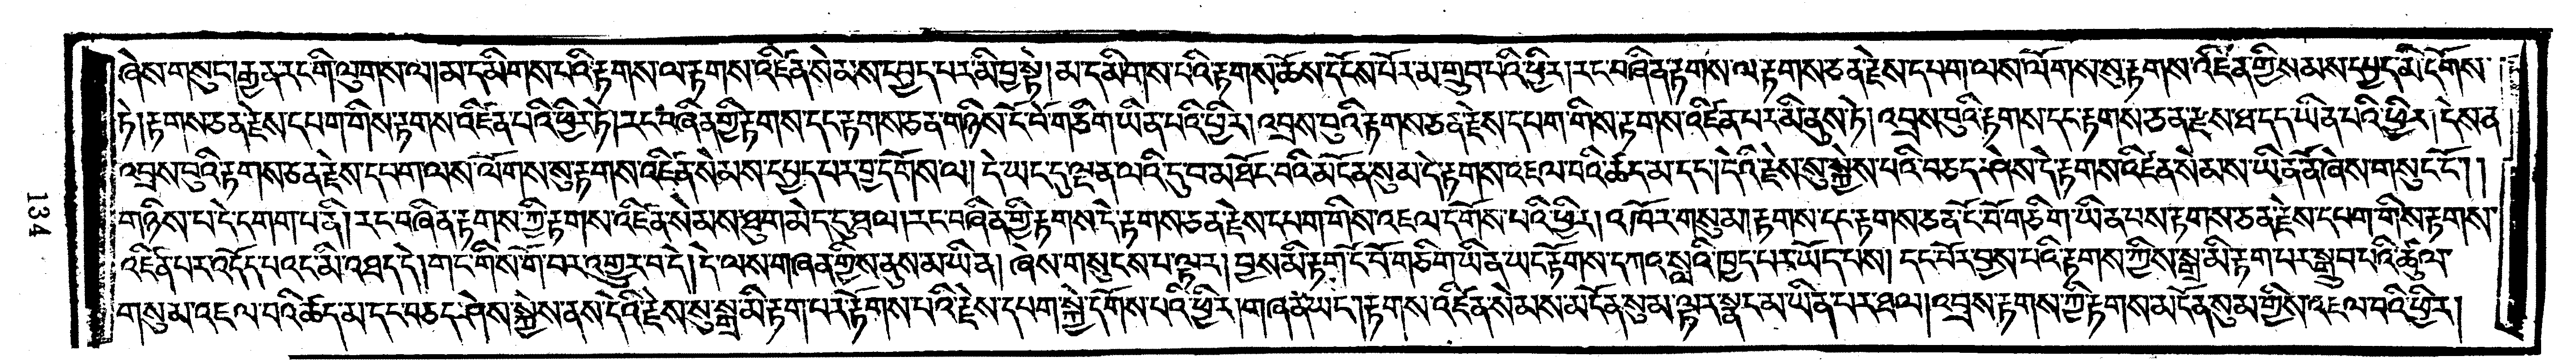ཞེས་གསུང་། རྒྱན་རང་གི་ལུགས་ལ། མ་དམིགས་པའི་རྟགས་ལ་རྟགས་འཛིན་སེམས་དཔྱད་པར་མི་བྱ་སྟེ། མ་དམིགས་པའི་རྟགས་ཆོས་དངོས་པོར་མ་གྲུབ་པའི་ཕྱིར། རང་བཞིན་རྟགས་ལ་རྟགས་ཅན་རྗེས་དཔག་ལས་ལོགས་སུ་རྟགས་འཛིན་གྱི་སེམས་དཔྱད་མི་དགོས་
ཏེ། རྟགས་ཅན་རྗེས་དཔག་གིས་རྟགས་འཛིན་པའི་ཕྱིར་ཏེ། རང་བཞིན་གྱི་རྟགས་དང་རྟགས་ཅན་གཉིས་ངོ་བོ་གཅིག་ཡིན་པའི་ཕྱིར། འབྲས་བུའི་རྟགས་ཅན་རྗེས་དཔག་གིས་རྟགས་འཛིན་པར་མི་ནུས་ཏེ། འབྲས་བུའི་རྟགས་དང་རྟགས་ཅན་རྫས་ཐ་དད་ཡིན་པའི་ཕྱིར། དེས་ན་
འབྲས་བུའི་རྟགས་ཅན་རྗེས་དཔག་ལས་ལོགས་སུ་རྟགས་འཛིན་སེམས་དཔྱད་པར་བྱ་དགོས་ལ། དེ་ཡང་དུ་ལྡན་ལའི་དུ་བ་མཐོང་བའི་མངོན་སུམ་དེ་རྟགས་འཇལ་བའི་ཚད་མ་དང་། དེའི་རྗེས་སུ་སྐྱེས་པའི་བཅད་ཤེས་དེ་རྟགས་འཛིན་སེམས་ཡིན་ནོ་ཞེས་གསུང་ངོ། །
གཉིས་པ་དེ་དགག་པ་ནི། རང་བཞིན་རྟགས་ཀྱི་རྟགས་འཛིན་སེམས་ཐུག་མེད་དུ་ཐལ། རང་བཞིན་གྱི་རྟགས་དེ་རྟགས་ཅན་རྗེས་དཔག་གིས་འཇལ་དགོས་པའི་ཕྱིར། འཁོར་གསུམ། རྟགས་དང་རྟགས་ཅན་ངོ་བོ་གཅིག་ཡིན་པས་རྟགས་ཅན་རྗེས་དཔག་གིས་རྟགས་
འཛིན་པར་འདོད་པའང་མི་འཐད་དེ། གང་གིས་གོ་བར་འགྱུར་བ་དེ། དེ་ལས་གཞན་གྱིས་ནུས་མ་ཡིན། ཞེས་གསུངས་པ་ལྟར། བྱས་མི་རྟག་ངོ་བོ་གཅིག་ཡིན་ཡང་རྟོགས་དཀའ་སླའི་ཁྱད་པར་ཡོད་པས། དང་པོར་བྱས་པའི་རྟགས་ཀྱིས་སྒྲ་མི་རྟག་པར་སྒྲུབ་པའི་ཚུལ་
གསུམ་འཇལ་བའི་ཚད་མ་དང་བཅད་ཤེས་སྐྱེས་ནས་དེའི་རྗེས་སུ་སྒྲ་མི་རྟག་པར་རྟོགས་པའི་རྗེས་དཔག་སྐྱེ་དགོས་པའི་ཕྱིར། གཞན་ཡང་། རྟགས་འཛིན་སེམས་མངོན་སུམ་ལྟར་སྣང་མ་ཡིན་པར་ཐལ། འབྲས་རྟགས་ཀྱི་རྟགས་མངོན་སུམ་གྱིས་འཇལ་བའི་ཕྱིར།